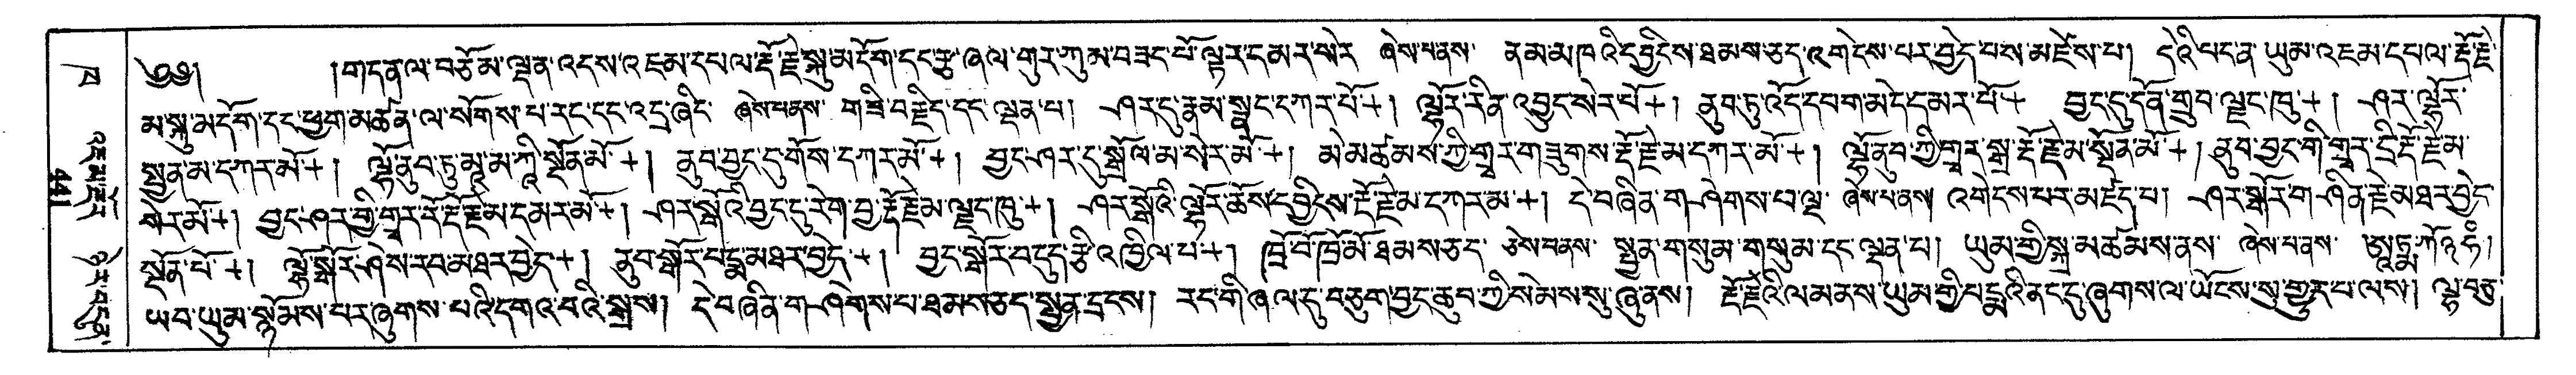༄༅། །གདན་ལ་བཅོམ་ལྡན་འདས་འཇམ་དཔལ་རྡོ་རྗེ་སྐུ་མདོག་དང་རྩ་ཞལ་གུར་ཀུམ་བཟང་པོ་ལྟར་དམར་སེར་ཞེས་བ་ནས་ནམ་མཁའི་དབྱིངས་ཐམས་ཅད་འགེངས་པར་བྱེད་པས་མཛེས་པ། དེའི་པང་ན་ཡུམ་འཇམ་དཔལ་རྡོ་རྗེ་
མ་སྐུ་མདོག་དང་ཕྱག་མཚན་ལ་སོགས་པ་རང་དང་འདྲ་ཞིང་ཞེས་པ་ནས་གཟི་བརྗིད་དང་ལྡན་པ། ཤར་དུ་རྣམ་སྣང་དཀར་པོ་+། ལྷོར་རིན་འབྱུང་སེར་པོ་+། ནུབ་ཏུ་འོད་དཔག་མེད་དམར་པོ་+། བྱང་དུ་དོན་གྲུབ་ལྗང་ཁུ་+། ཤར་ལྷོར་
སྤྱན་མ་དཀར་མོ་+། ལྷོ་ནུབ་ཏུ་མཱ་མ་ཀཱཾ་སྔོན་མོ་+། ནུབ་བྱང་དུ་གོས་དཀར་མོ་+། བྱང་ཤར་དུ་སྒྲོལ་མ་སེར་མོ་+། མེ་མཚམས་ཀྱི་གྲྭར་གཟུགས་རྡོ་རྗེ་མ་དཀར་མོ་+། ལྷོ་ནུབ་ཀྱི་གྲྭར་སྒྲ་རྡོ་རྗེ་མ་སྔོན་མོ་+། ནུབ་བྱང་གི་གྲྭར་དྲི་རྡོ་རྗེ་མ་
སེར་མོ་+། བྱང་ཤར་གྱི་གྲྭར་རོ་རྡོ་རྗེ་མ་དམར་མོ་+། ཤར་སྒོའི་བྱང་དུ་རེག་བྱ་རྡོ་རྗེ་མ་ལྗང་ཁུ་+། ཤར་སྒོའི་ལྷོར་ཆོས་དབྱིངས་རྡོ་རྗེ་མ་དཀར་མོ་+། དེ་བཞིན་གཤེགས་པ་ལྔ་ཞེས་པ་ནས་འགེངས་པར་མཛད་པ། ཤར་སྒོར་གཤིན་རྗེ་མཐར་བྱེད་
སྔོན་པོ་+། ལྷོ་སྒོར་ཤེས་རབ་མཐར་བྱེད་+། ནུབ་སྒོར་པདམ་མཐར་བྱེད་+། བྱང་སྒོར་བདུད་རྩི་འཁྱིལ་བ་+། ཁྲོ་བོ་ཁྲོ་མོ་ཐམས་ཅད་ཅེས་པ་ནས། སྤྱན་གསུམ་གསུམ་དང་ལྡན་པ། ཡུམ་གྱི་སྐྲ་མཚམས་ནས་ཞེས་པ་ནས་ཨཱཏྨ་ཀོ་ཉྷཾ།
ཡབ་ཡུམ་སྙོམས་པར་ཞུགས་པའི་དགའ་བའི་སྒྲས། དེ་བཞིན་གཤེགས་པ་ཐམས་ཅད་སྤྱན་དྲངས། རང་གི་ཞལ་དུ་བཅུག་བྱང་ཆུབ་ཀྱི་སེམས་སུ་ཞུ་ནས། རྡོ་རྗེའི་ལམ་ནས་ཡུམ་གྱི་པདམའི་ནང་དུ་ཞུགས་པ་ཡོངས་སུ་གྱུར་པ་ལས། ལྷ་བཅུ་